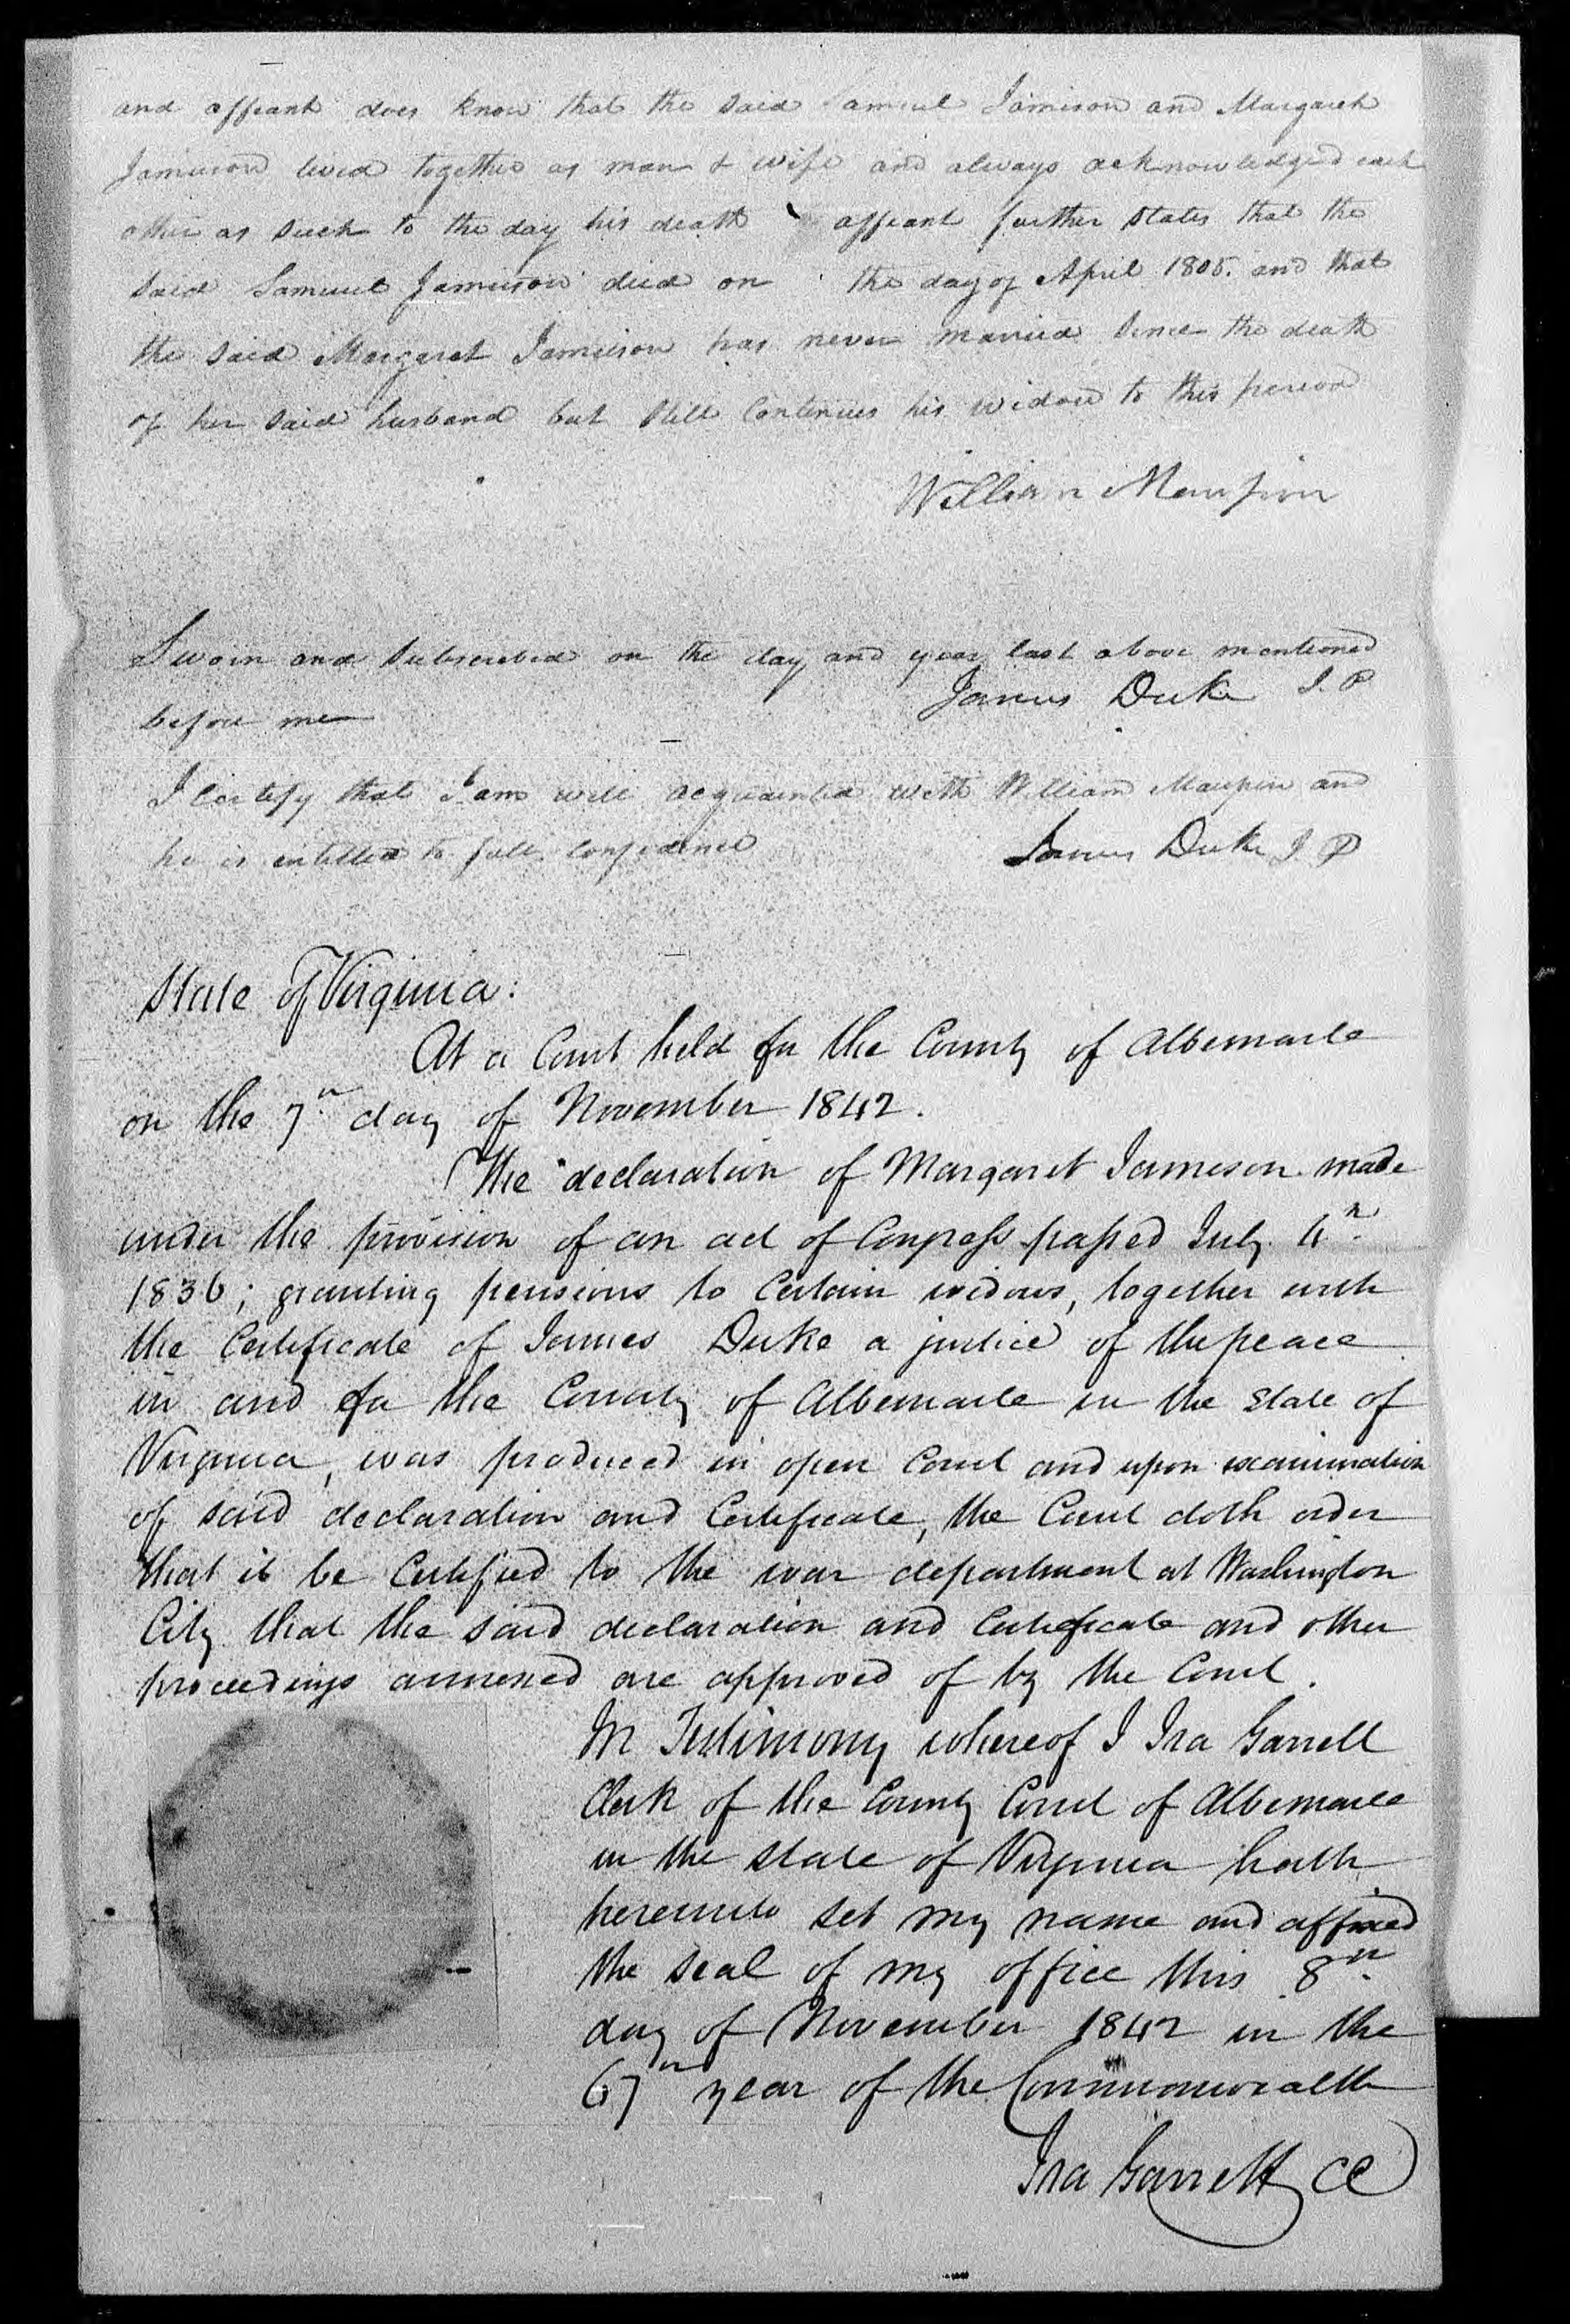and affiant does know that the said Samuel Jamieson and Margaret
Jamieson lived together as man + wife and always acknowledged each
other as such to the day his death.  Affiant further states that the 
said Samuel Jamieson died on   the day of April 1805 and that
the said Margaret Jamieson has never married since the death
of her said husband but still continues his widow to this person
William Maupin
Sworn and subscribed on the day and year last above mentioned
before me. James Duke J.P.
I certify that I am well acquainted with William Maupin and
he is entitled to full confidence.
James Duke J.P.
State of Virginia:
  At a Court held in the county of Albermarle
on the 7th day of November 1842.
   The declaration of Margaret Jameson made 
under the provision of an act of congress passed July 4
1836; granting pensions to certain widows, together with
the Certificate of James Duke a justice of the peace
in and for the County of Albermarle in the State of 
Virginia, was produced in open Court and upon examination
of said declaration and Certificate, the Court doth order
that it be Certified to the war department at Washington 
City that the said declaration and Certificate and other 
proceedings annexed are approved by the Court.
In Testimony whereof I Ira Garrell
Clerk of the County Court of Albemarle
in the state of Virginia hath
hereunto set my name and affixed
the seal of my office this 8th
day of November 1842 in the 
67th year of the Commonwealth
Ira Garrett CC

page: 8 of 28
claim: widow's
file: W. 5112, for Samuel Jamieson, Virginia